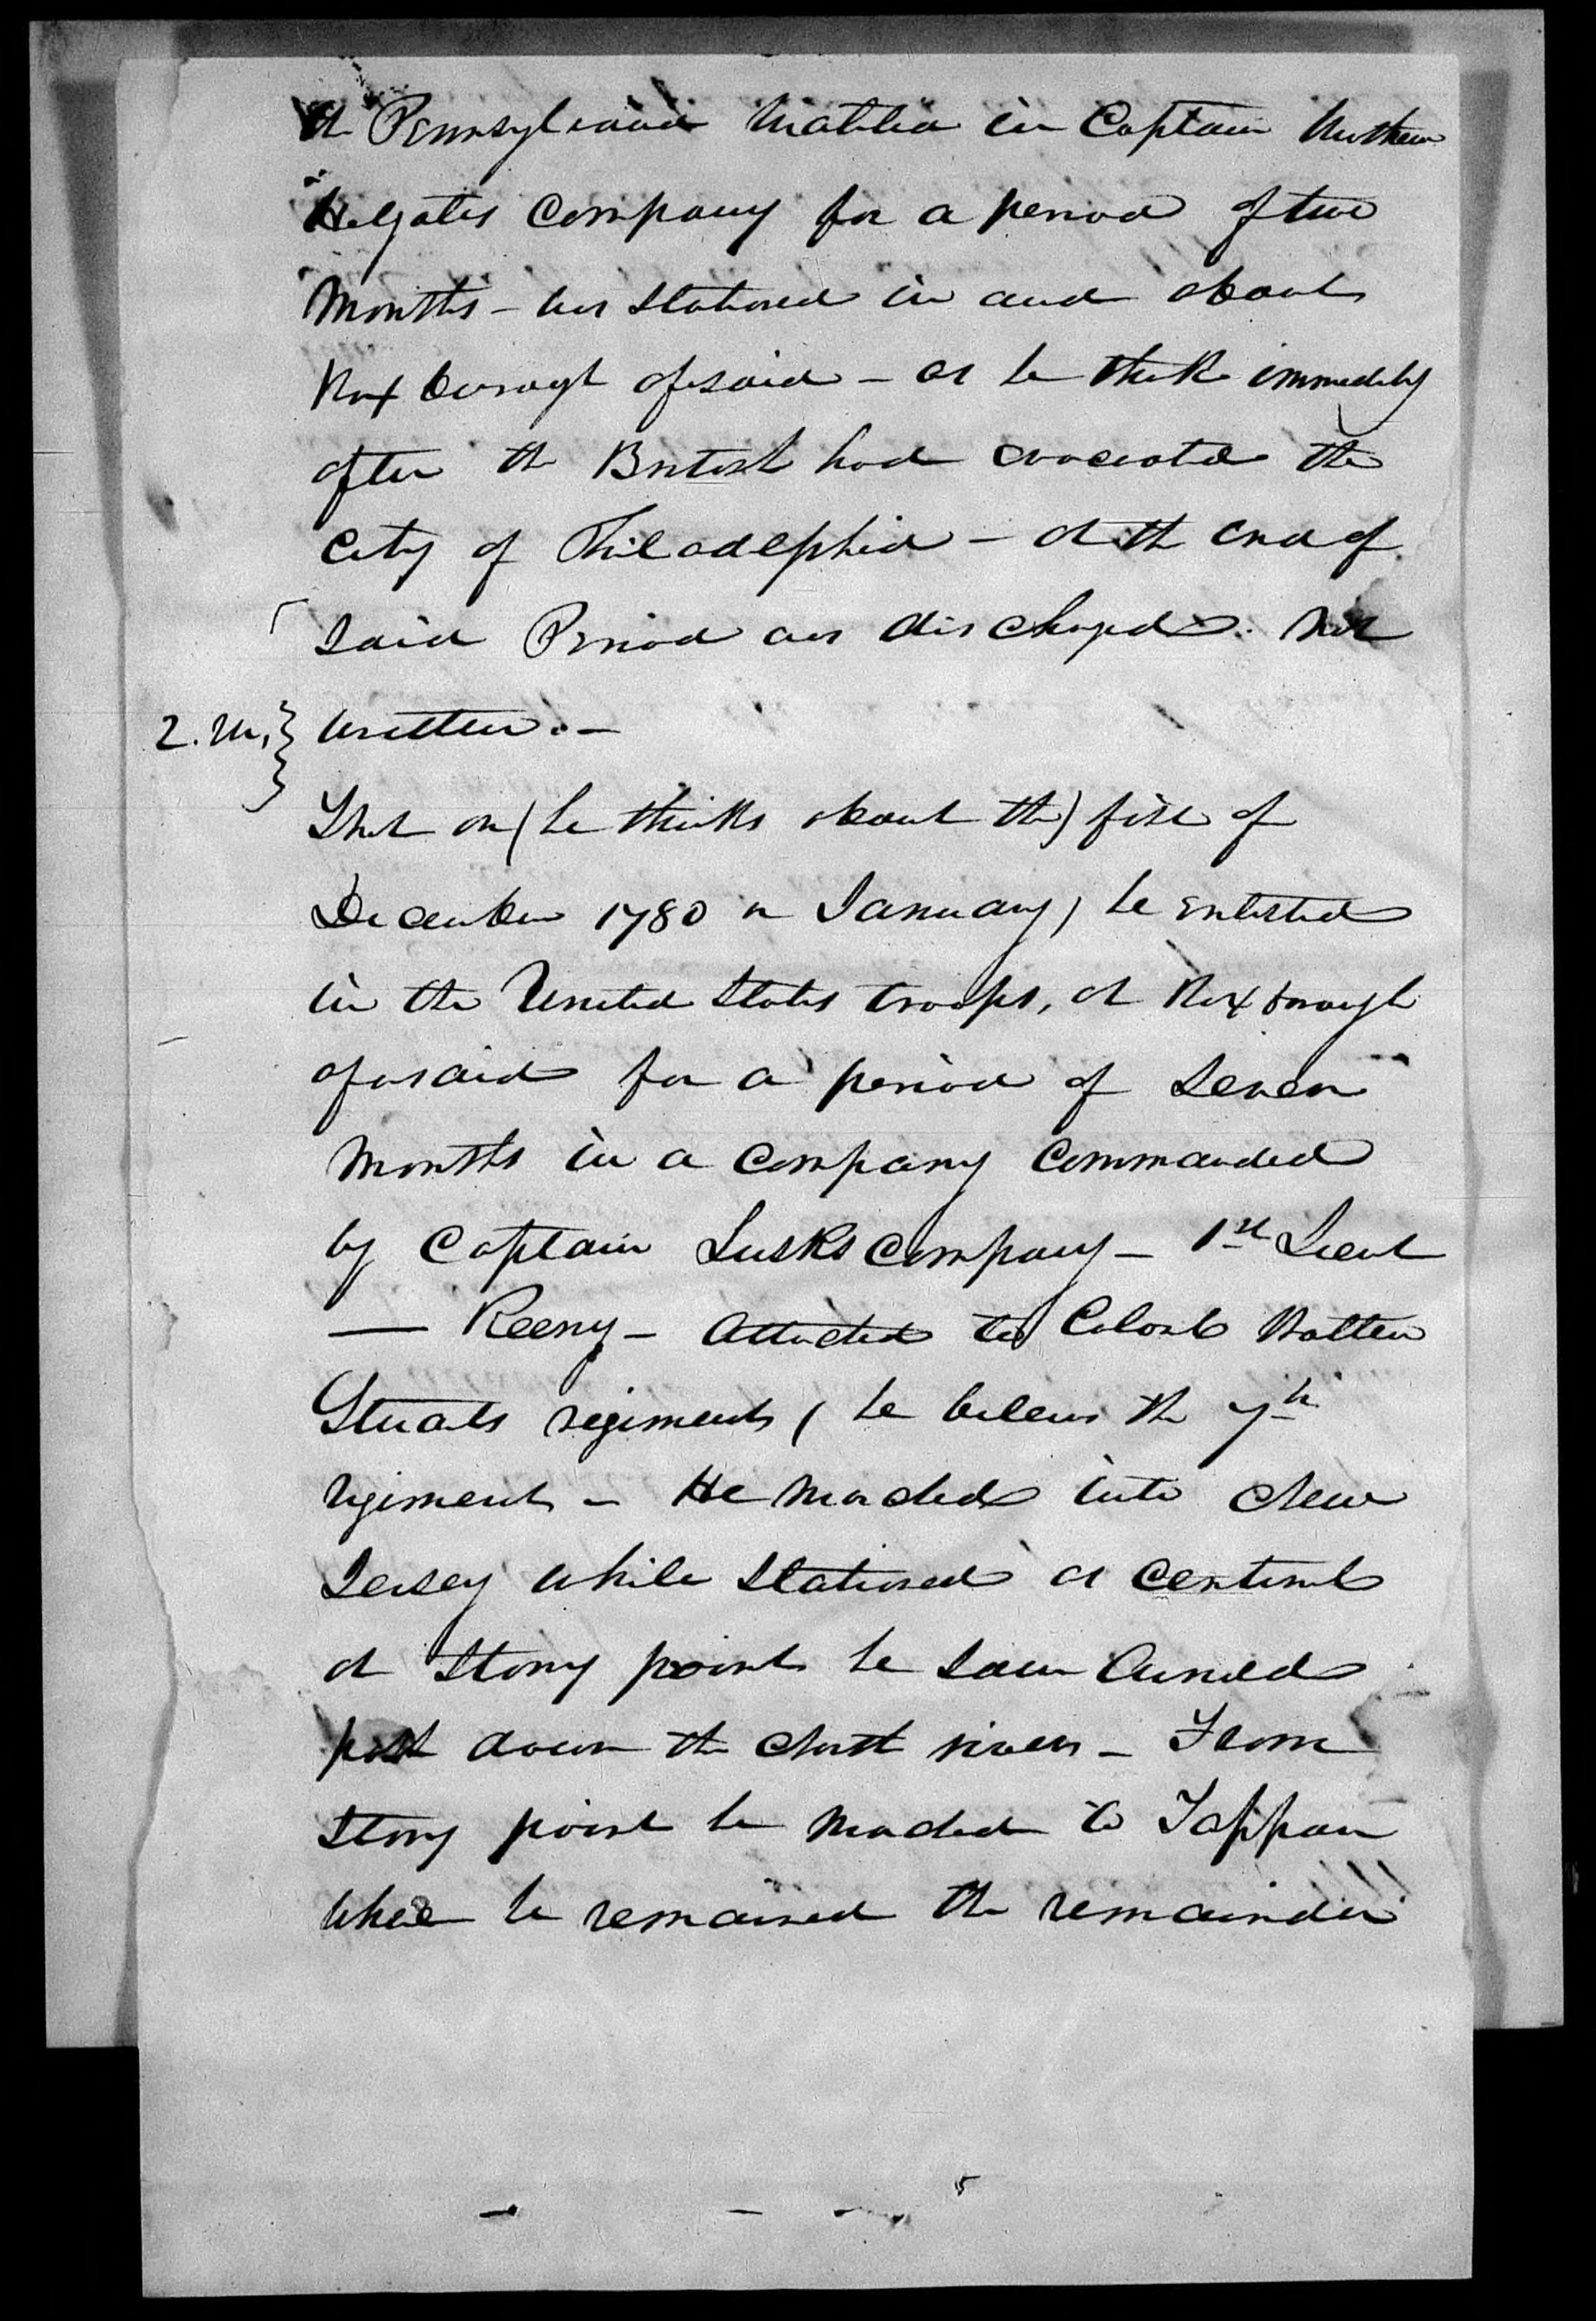Pennsylvania Malitia in Captain Mathew Helgates Company for a period of two months – he was stationed in and about Roxborough aforesaid-  as he thinks immediately after the British had evacuated the City of Philadelphia – At the end of said period was discharged – not written –
2 mo }    
That on (he thinks about the) first of December 1780 or January, he enlisted in the United States troops, at Roxborough aforesaid for a period of seven months in a company commanded by Captain Lusks company - 1st Lieut. Reeny attached to Colonel Walter Stuarts regiment (he believes the 7th regiment)  - He marched into New Jersey while stationed a sentinel at Stony point he saw Arnold pass down the North river - From  Stony point be marched to Tappan where he remained the remainder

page: 6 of 31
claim: survivor's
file: S. 6154, for Joseph Sturgis, Pennsylvania